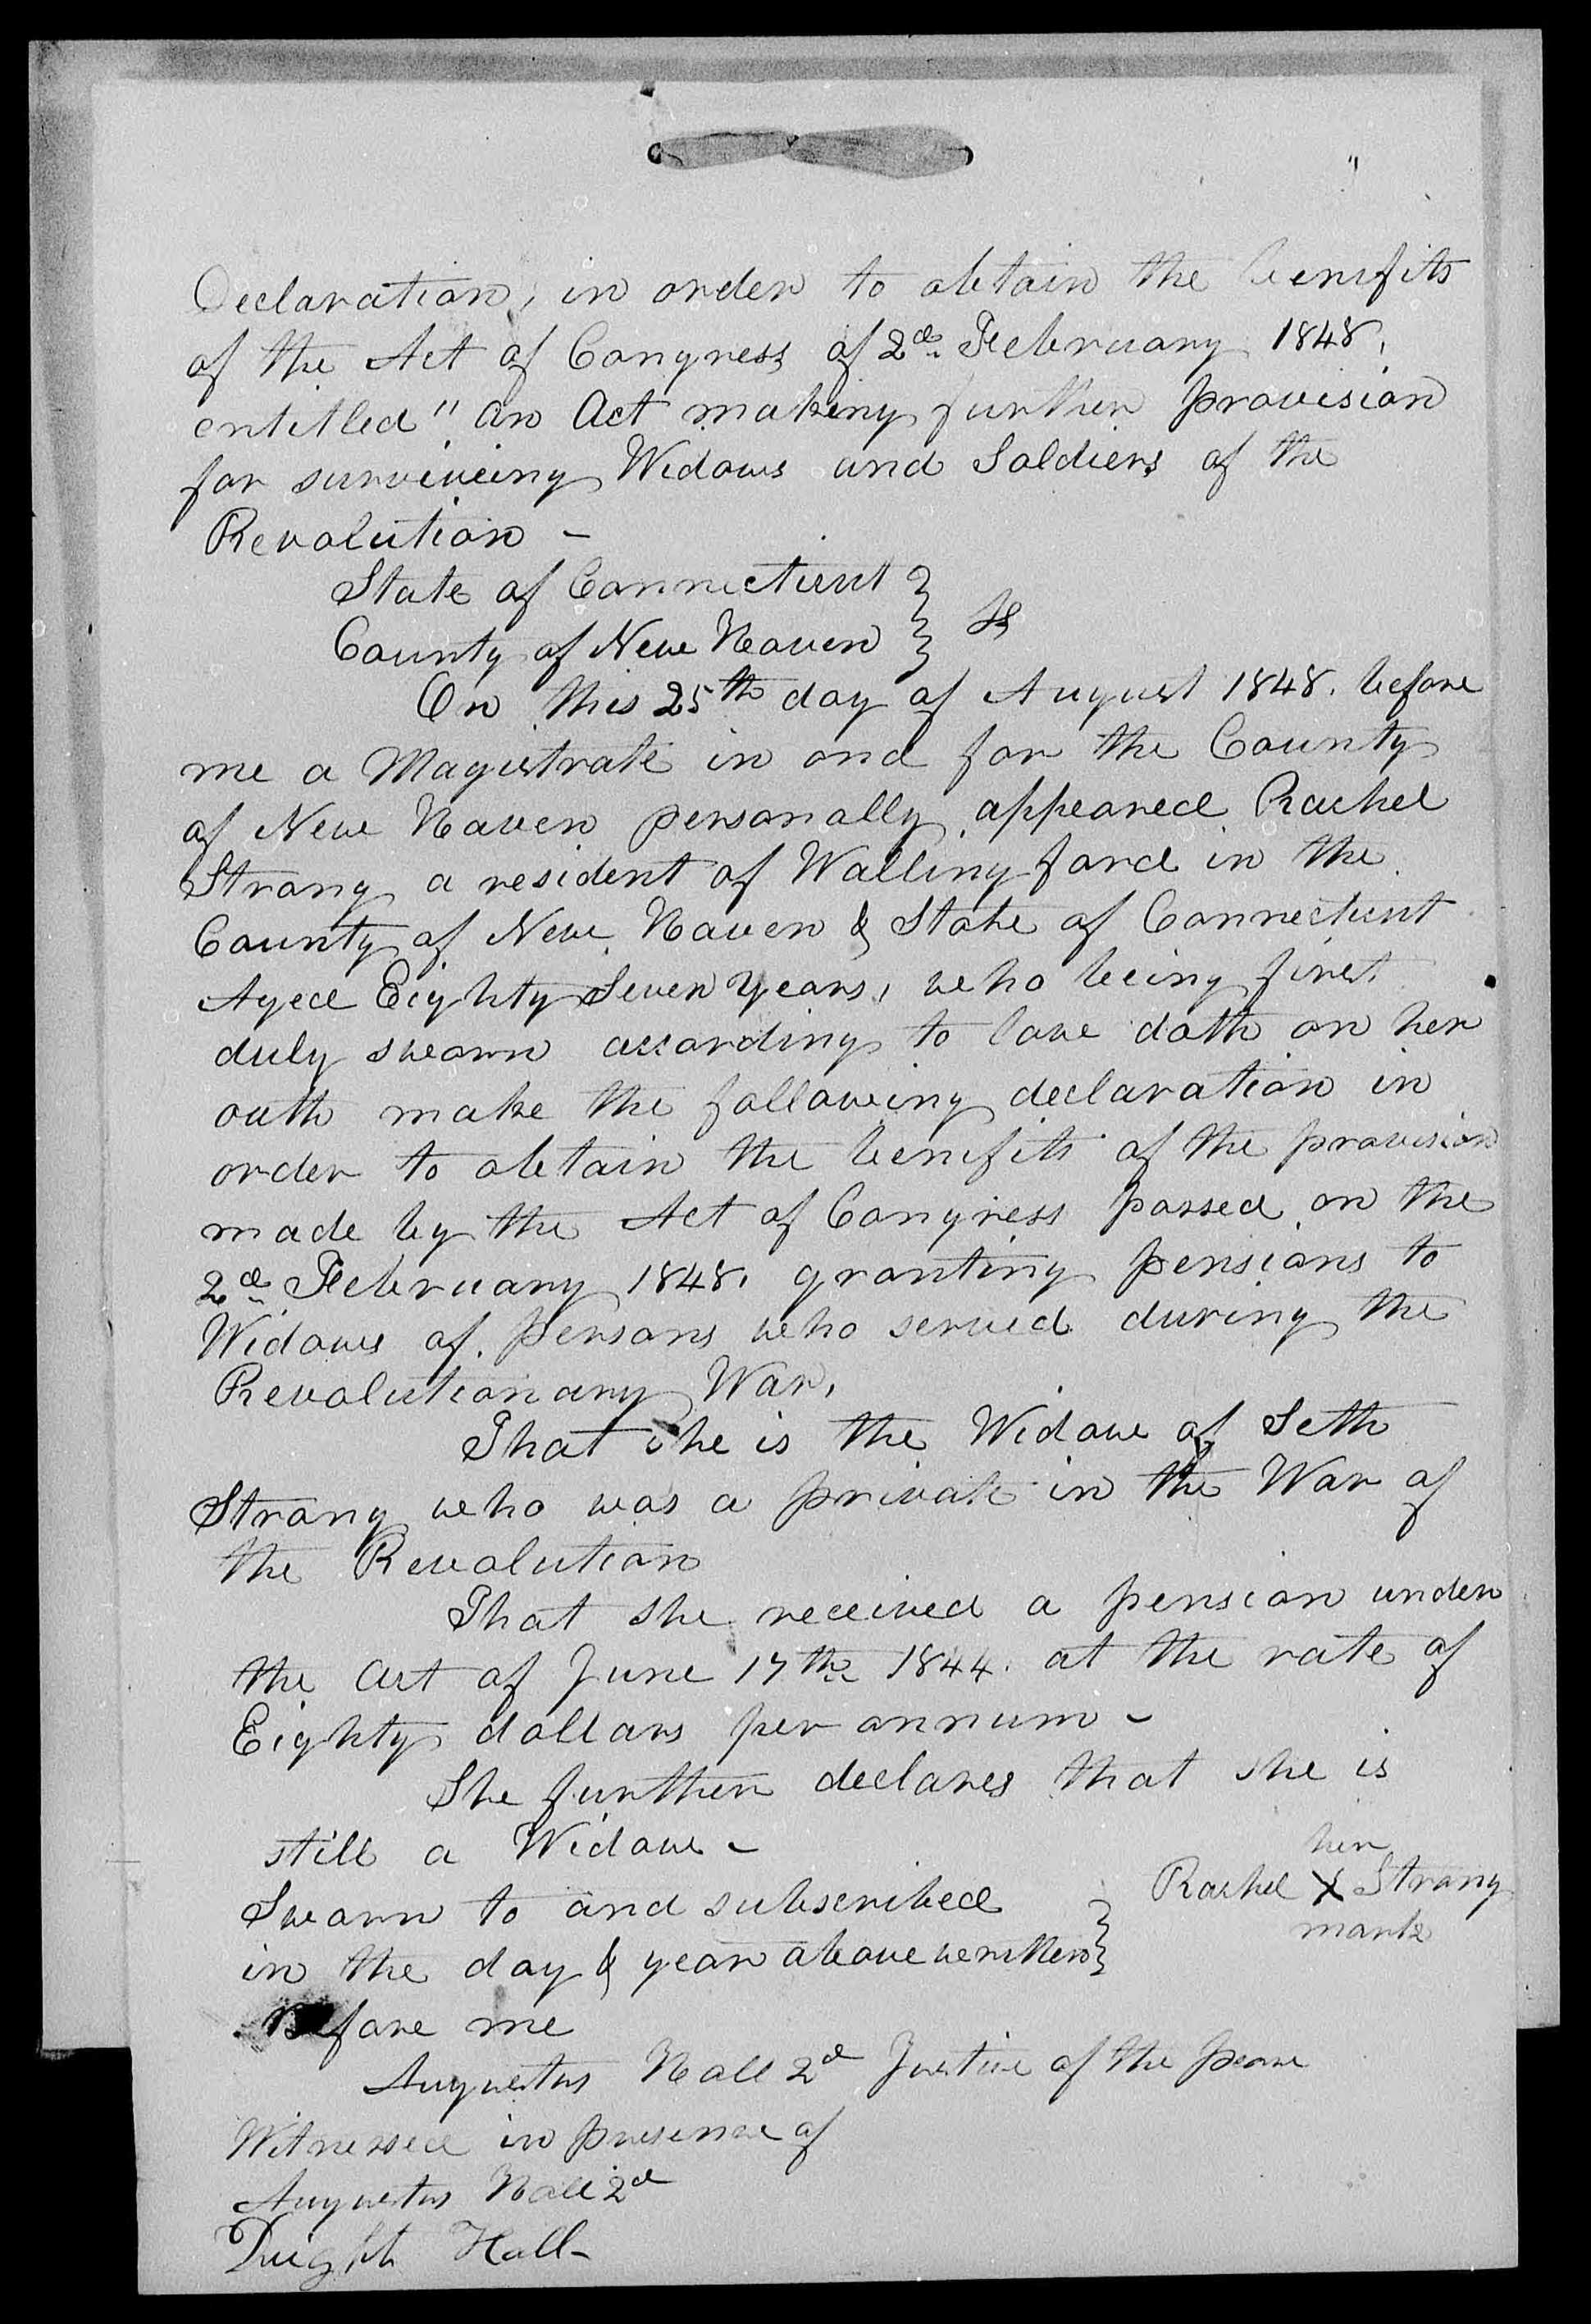Declaration in order to obtain the Benefits of the Act of Congress of 2d February 1848, entitled "An Act making further provision for surviving Widows and Soldiers of the Revolution -

State of Connecticut
County of New Haven ss

On this 25th day of August 1848 before me a Magistrate in and for the County of New Haven personally appeared Rachel Strong a resident of Wallingford in the County of New Haven & State of Connecticut Aged Eighty Seven years, who being first duly sworn according to law doth on her oath make the following declaration in order to obtain the benefits of the provision made by the Act of Congress passed on the 2d February 1848, granting pensions to Widows of Persons who served during the Revolutionary War.

That she is the Widow of Seth Strong was a private in the War of the Revolution

That she received a pension under the Act of June 17th 1844 at the rate of Eighty dollars per annum -

She further declares that she is still a Widow -
her 
X
mark
Rachel Strong

Sworn to and subscribed 
in the day & year above written
before me

Augustus Hall 2d  Justice of the Peace
Witnessed in presence of
Augustus Hall 2d
Dwight Hall -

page: 41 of 47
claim: widow's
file: W. 17879, for Seth Strong, Connecticut